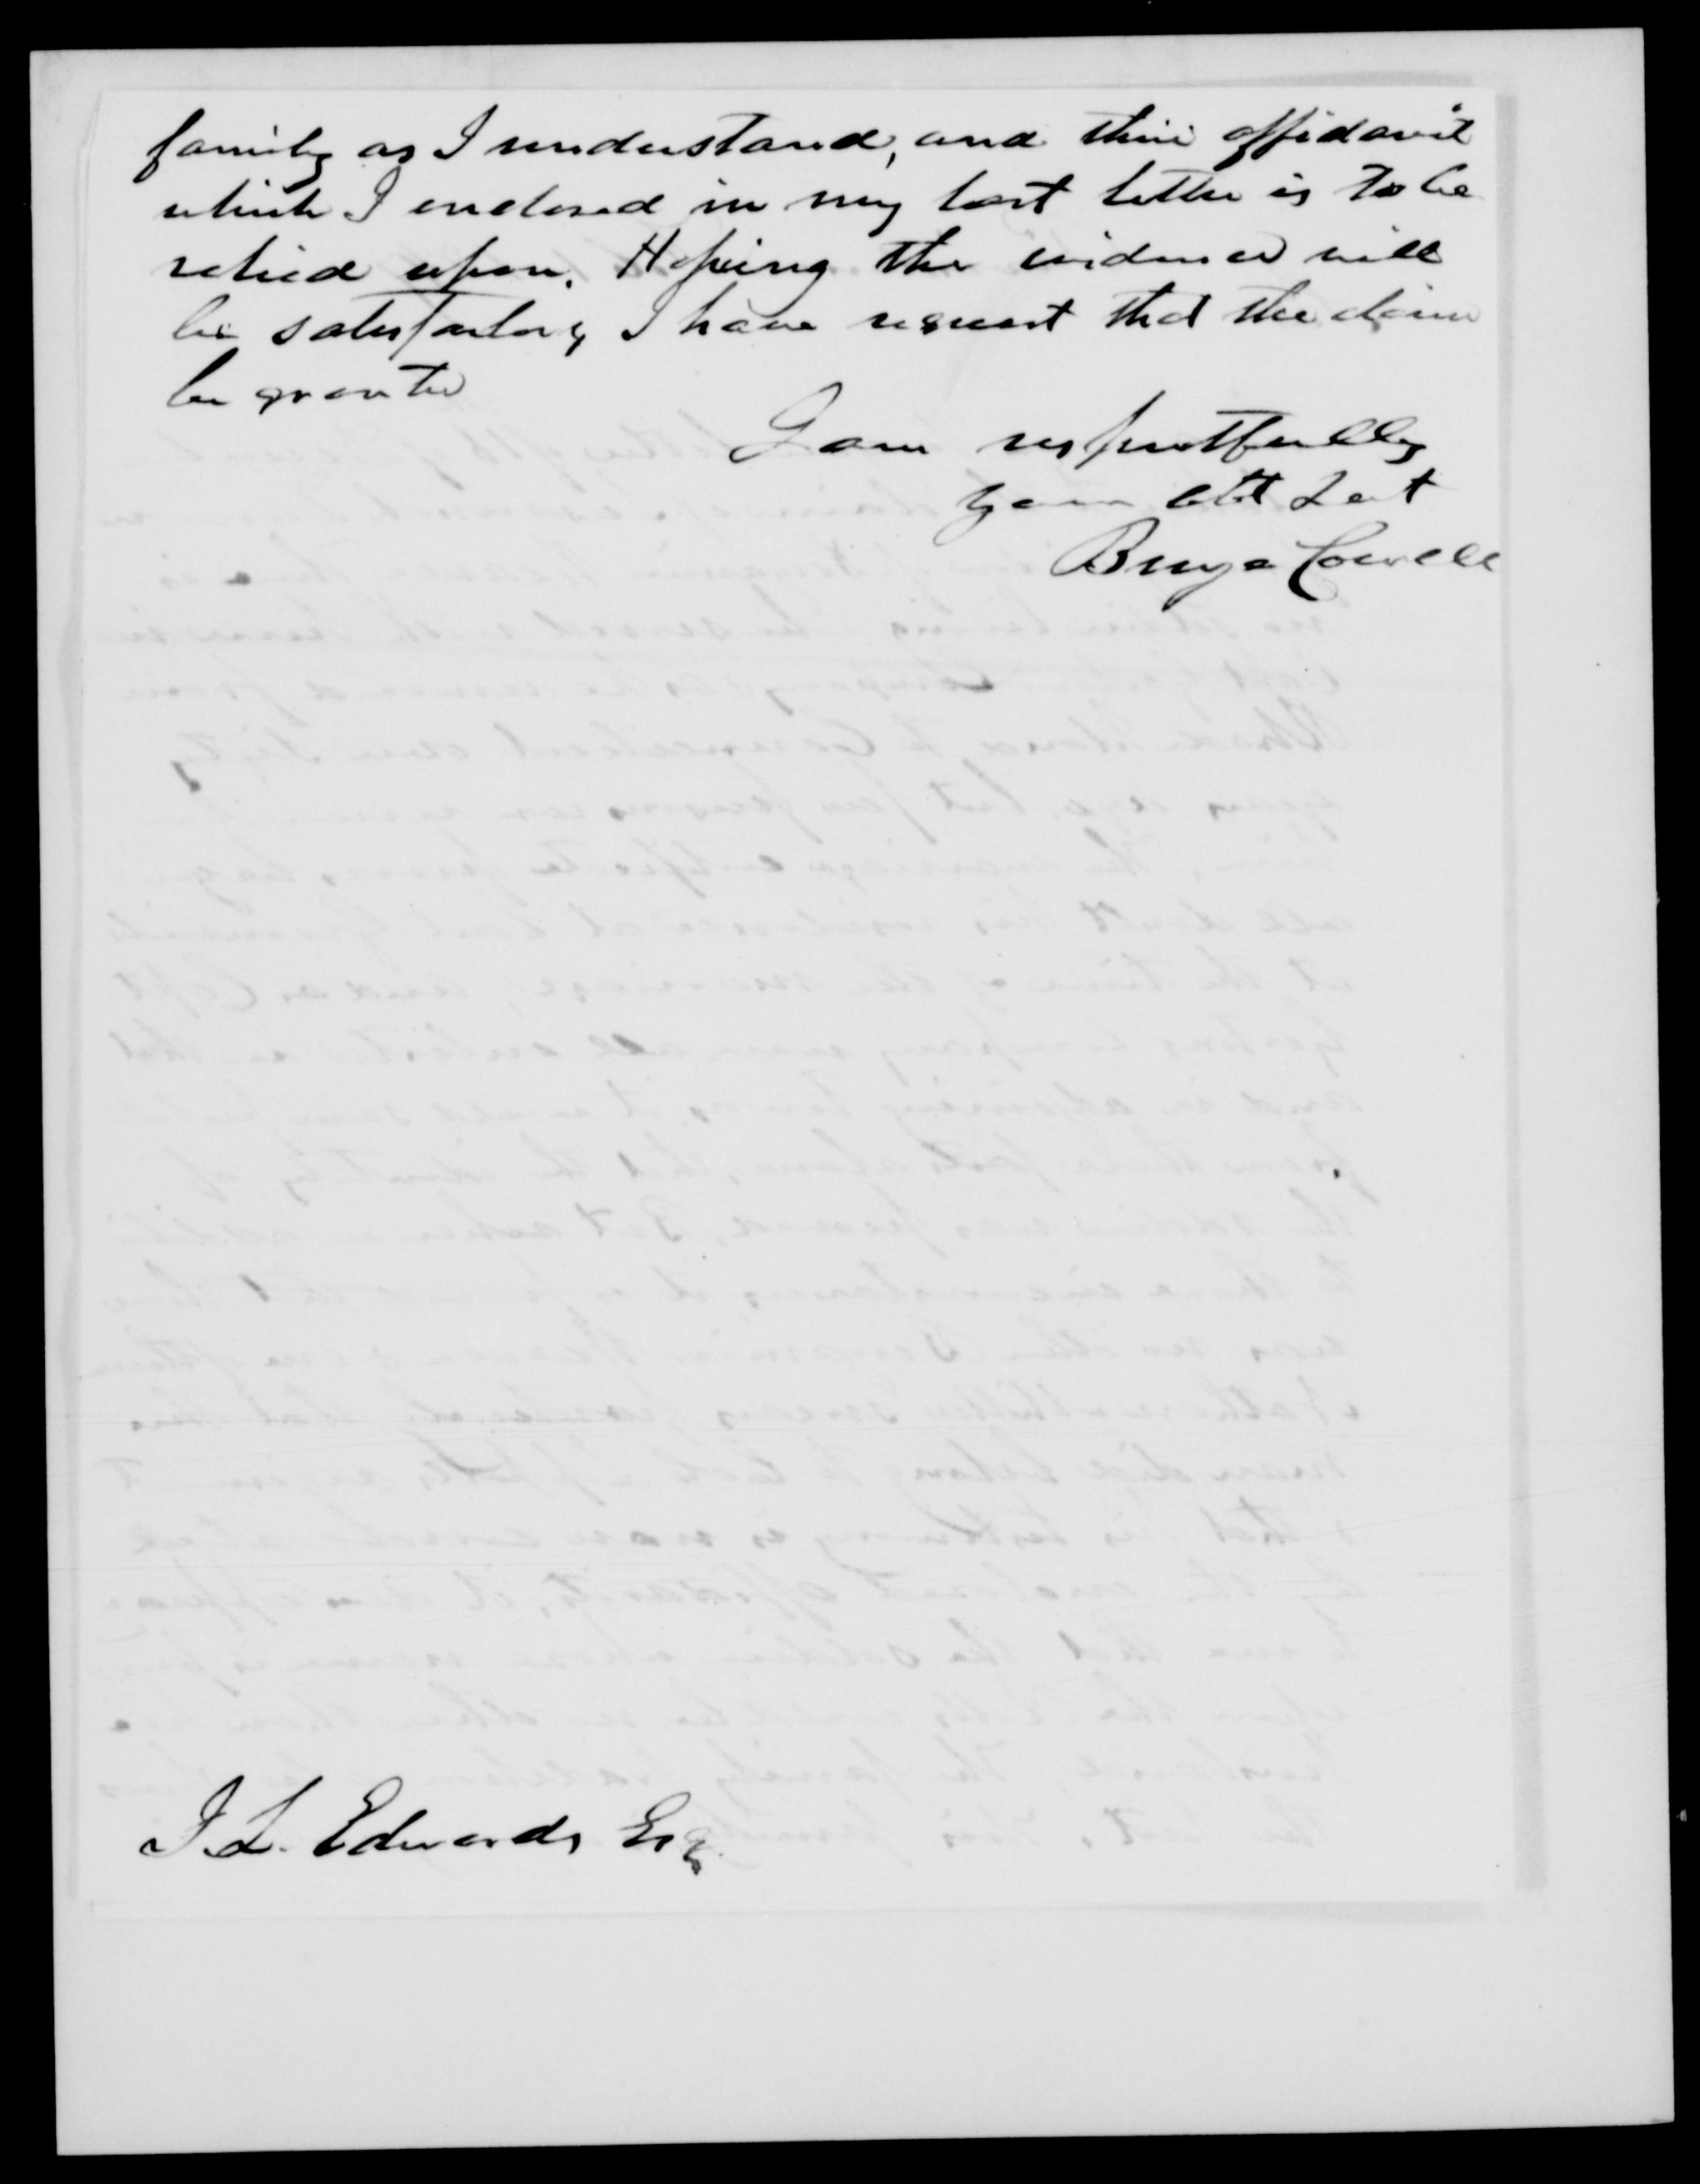Family as I understand, and this affidavit which I enclosed in my last letter is to be relied upon. Hoping the evidence will be satisfactory, I have request that the claim be granted

I am respectfully 
Your obedient 
Benjamin Cowell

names: Benja Cowell, J L Edwards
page: 28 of 53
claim: widow's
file: W 17707, Benjamin Weaver, R.I.